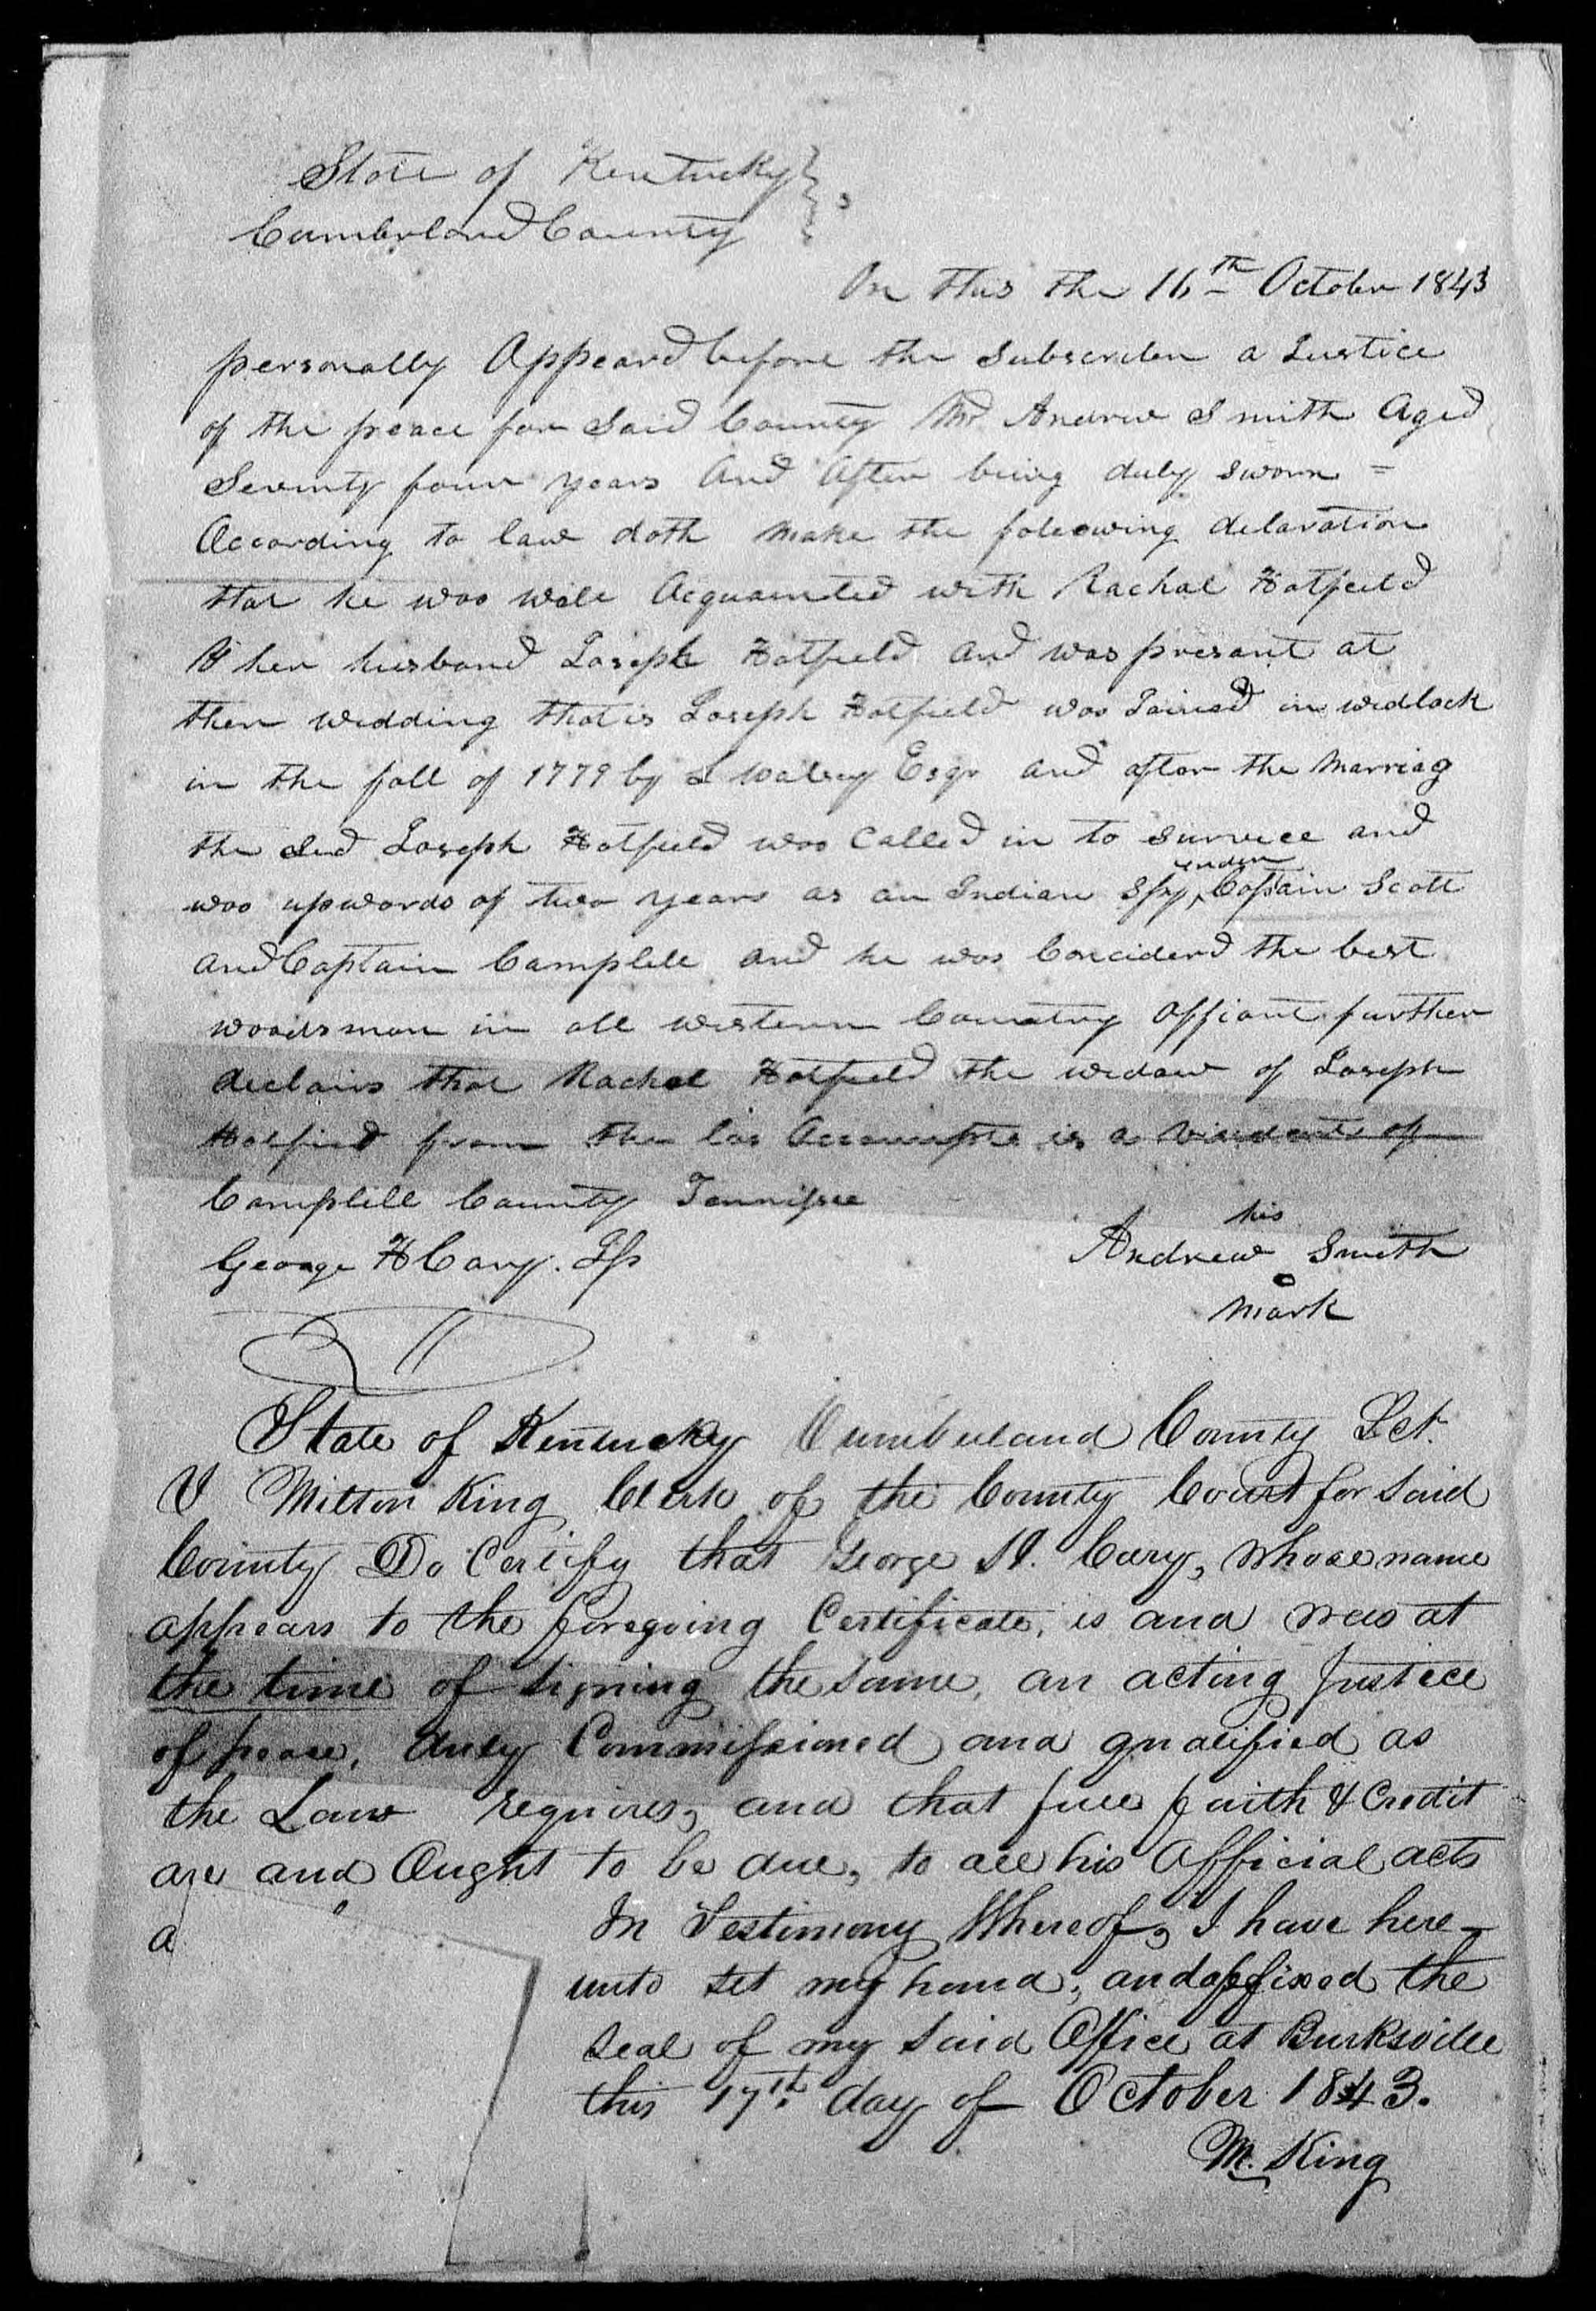State of Kentucky}
Cumberland County}
On this the 16th October 1843
personally Appeared before the Subscriber a Justice of the Peace for Said County Mr. Andrew Smith Aged Seventy four years And After being duly sworn According to law doth make the following declaration that he was well Acquainted with Rachel Hatfield & her husband Joseph Hatfield and was present at their wedding that is Joseph Hatfield was Joined in wedlock in the fall of 1779 by L Walsey Esqr and after the marriage the said Joseph Hatfield was Called in to Service and was upwards of two years as an Indian Spy under Captain Scott and Captain Campbell, and he was Considered the best woodsman in all Western Country Affiant further declairs that Rachel Hatfield the widow of Joseph Hatfield from their las Accompts is a resident of Campbell County Tennessee
George H Carey JP Andrew Smith o his mark

State of Kentucky Cumberland County Sct
I Milton King Clerk of the County Court for Said County Do Certify that George H. Carey, whose name appears to the foregoing Certificate, is and was at the time of signing the same, an acting Justice of Peace, duly Commissioned and qualified as the Law requires, and that full faith & Credit are and Ought to be due, to all his Official Acts as such In Testimony Whereof I have hereunto set my hand, and affixed the
 seal of my Said Office at Burksville
this 17th day of October 1843.
M. King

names: Joseph Hatfield, L Walsey, M King, Joseph Hatfield, Campbell, George H Cary, Rachal Hatfield, Milton King, Andrew Smith, Joseph Hatfield, George H Cary, Andrew Smith, Joseph Hatfield, Scott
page: 62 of 74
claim: widow's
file: W. 5, Joseph Hatfield, Va.